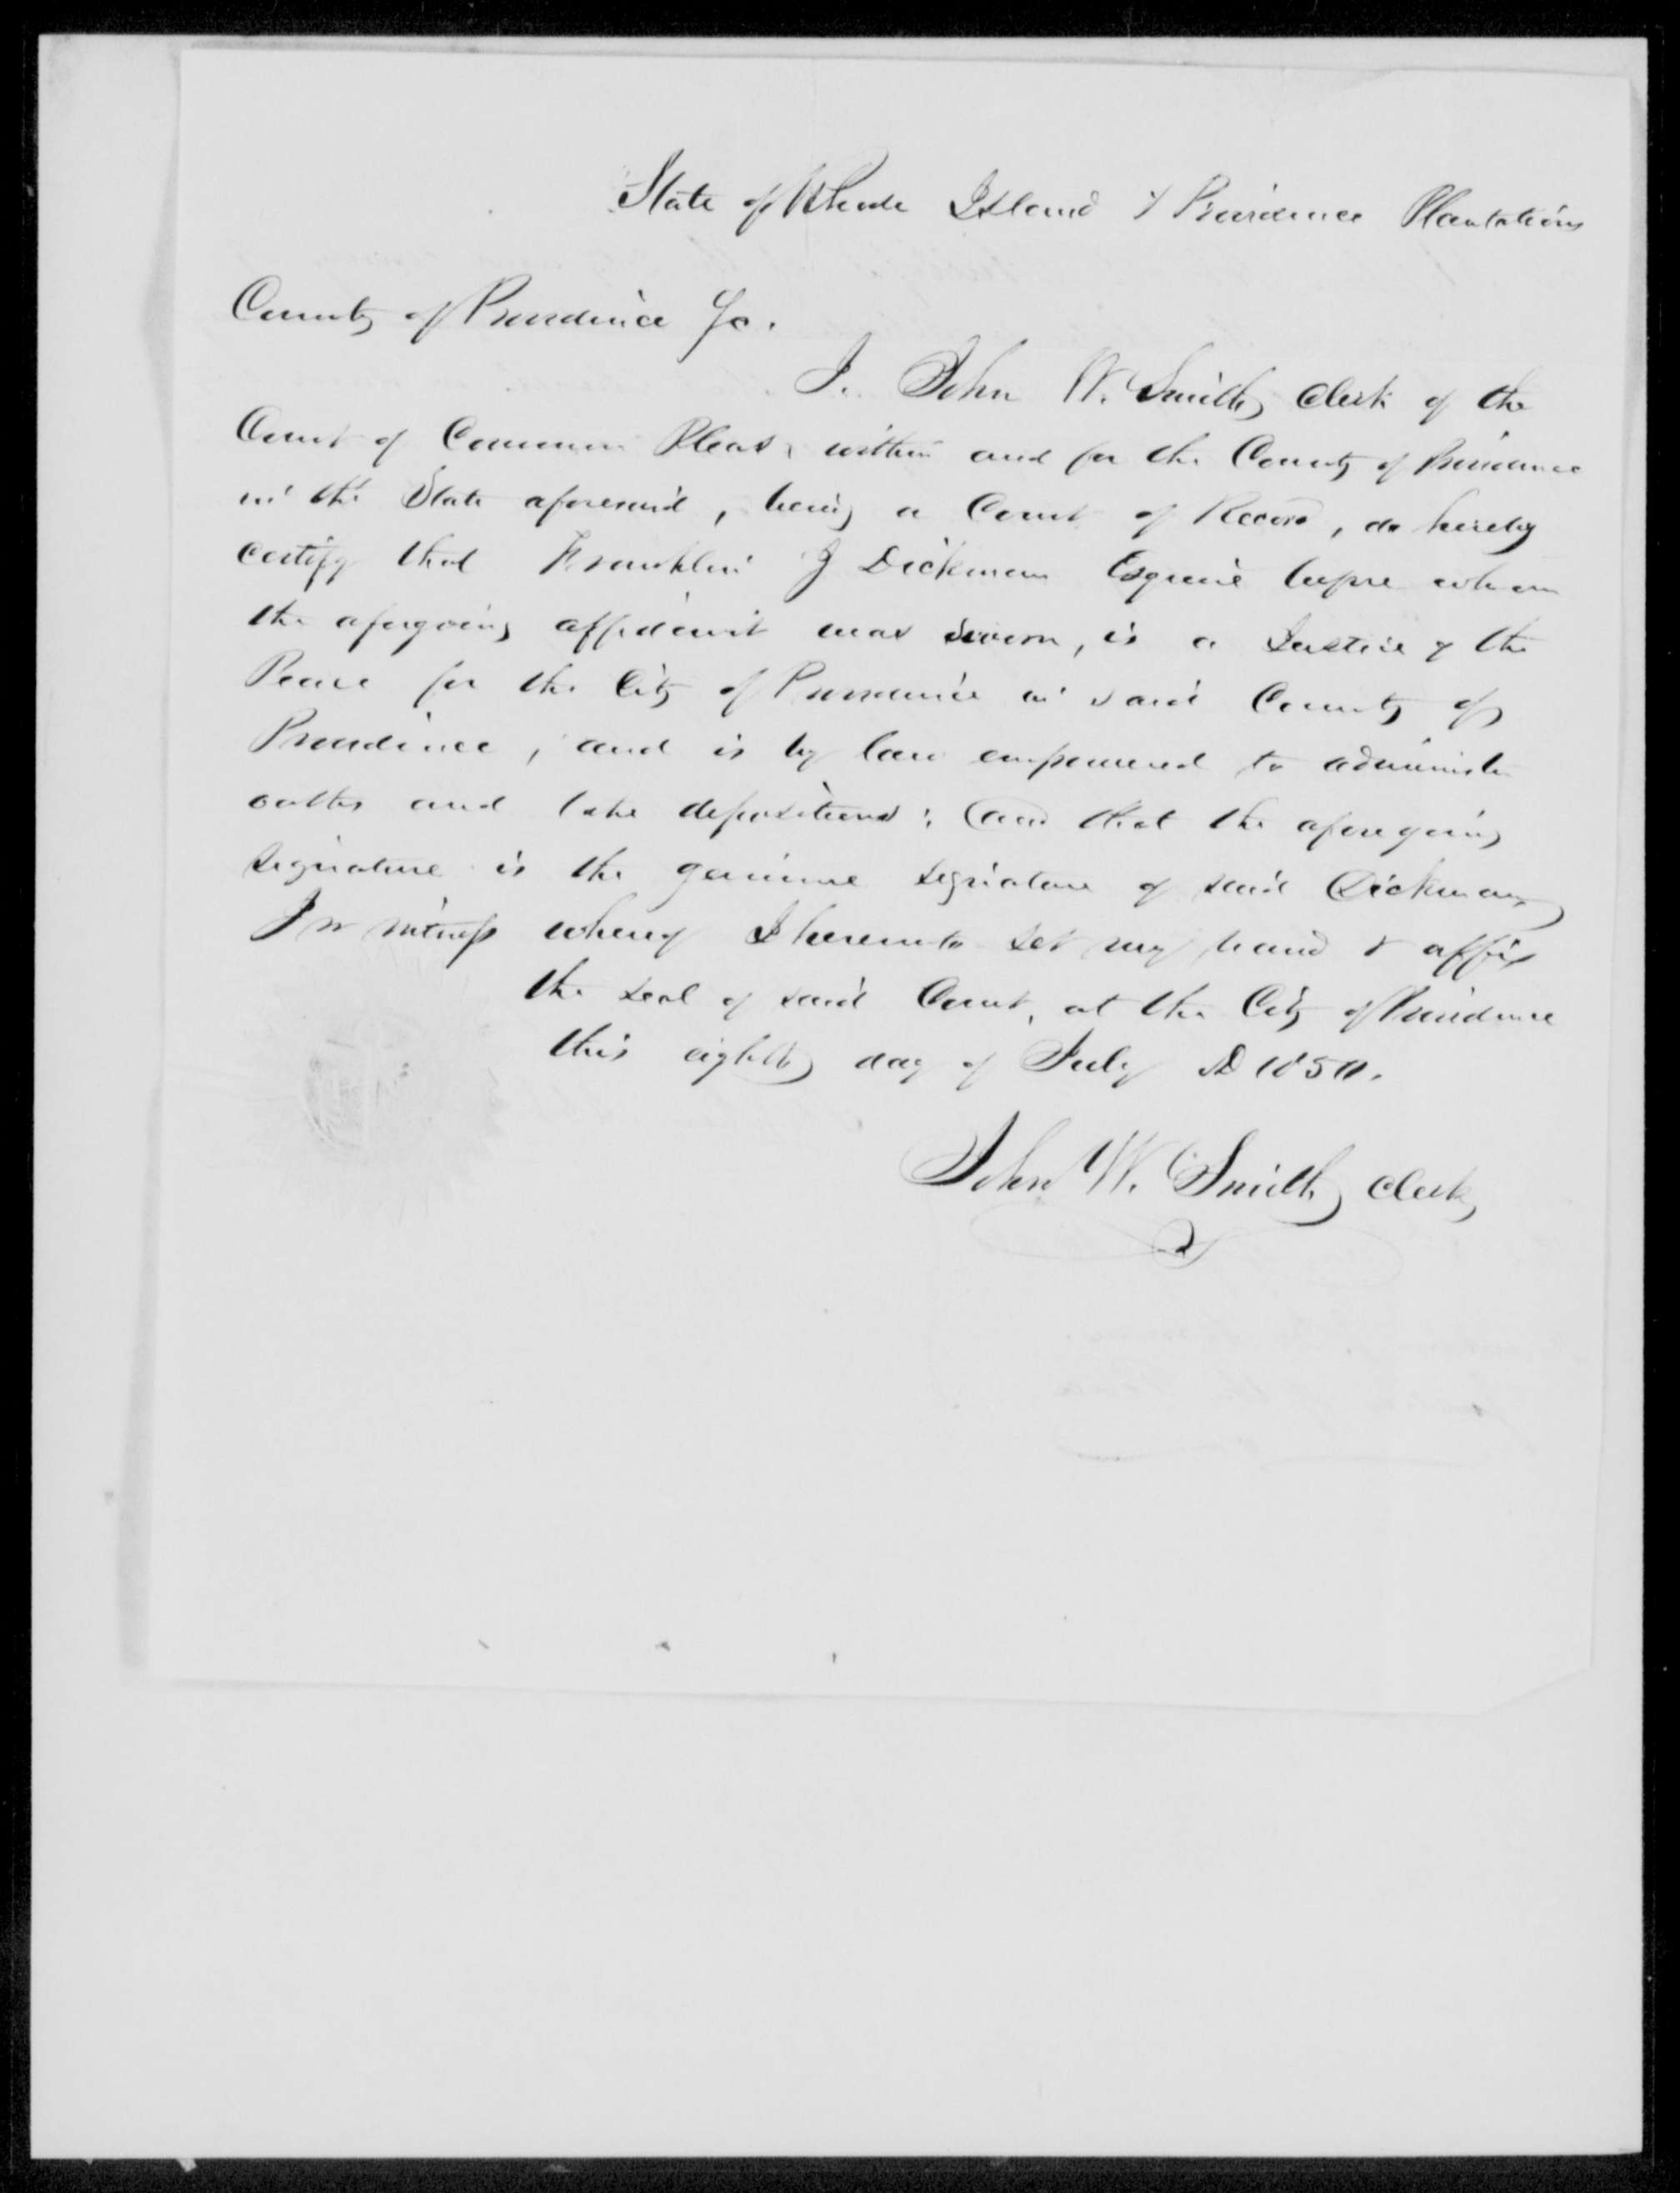State of Rhode Island / Providence Plantations

  County of Providence Ss.

  I John W. Smith, clerk of the court of Common Pleas, within and for the County of Providence in the estate aforesaid, being a Court of Record, do hereby certify that Franklin J Dickman Esquire before whom the foregoing affidavit was sworn, is a Justice of the Peace for the City of Providence in said County of Providence, and is by law empowered to administer oaths and take depositions: and that the aforegoing signature is the genuine signature of said Dickman
  In witness whereof I hereunto set my hand & affix the seal of said Court, at the City of Providence this eighth day of July D 1850.

  John W. Smith clerk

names: Franklin J Dickman, John W Smith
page: 12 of 34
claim: widow's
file: W. 1677, Isaac Washburn, Mass.